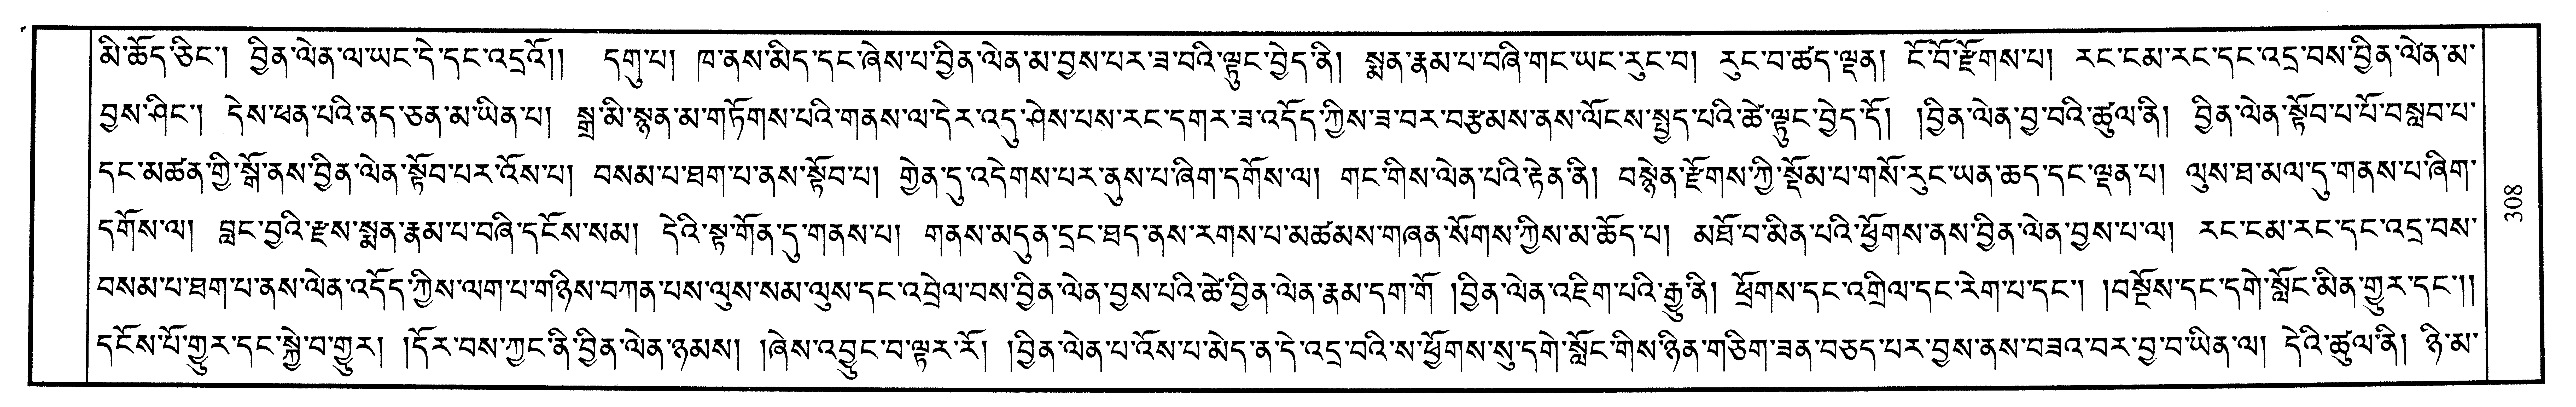མི་ཆོད་ཅིང་། བྱིན་ལེན་ལ་ཡང་དེ་དང་འདྲའོ།། དགུ་པ། ཁ་ནས་མིད་དང་ཞེས་པ་བྱིན་ལེན་མ་བྱས་པར་ཟ་བའི་ལྟུང་བྱེད་ནི། སྨན་རྣམ་པ་བཞི་གང་ཡང་རུང་བ། རུང་བ་ཚད་ལྡན། ངོ་བོ་རྫོགས་པ། རང་ངམ་རང་དང་འདྲ་བས་བྱིན་ལེན་མ་
བྱས་ཤིང་། དེས་ཕན་པའི་ནད་ཅན་མ་ཡིན་པ། སྒྲ་མི་སྙན་མ་གཏོགས་པའི་གནས་ལ་དེར་འདུ་ཤེས་པས་རང་དགར་ཟ་འདོད་ཀྱིས་ཟ་བར་བརྩམས་ནས་ལོངས་སྤྱད་པའི་ཚེ་ལྟུང་བྱེད་དོ། །བྱིན་ལེན་བྱ་བའི་ཚུལ་ནི། བྱིན་ལེན་སྟོབ་པ་པོ་བསླབ་པ་
དང་མཚན་གྱི་སྒོ་ནས་བྱིན་ལེན་སྟོབ་པར་འོས་པ། བསམ་པ་ཐག་པ་ནས་སྟོབ་པ། གྱེན་དུ་འདེགས་པར་ནུས་པ་ཞིག་དགོས་ལ། གང་གིས་ལེན་པའི་རྟེན་ནི། བསྙེན་རྫོགས་ཀྱི་སྡོམ་པ་གསོ་རུང་ཡན་ཆད་དང་ལྡན་པ། ལུས་ཐ་མལ་དུ་གནས་པ་ཞིག་
དགོས་ལ། བླང་བྱའི་རྫས་སྨན་རྣམ་པ་བཞི་དངོས་སམ། དེའི་སྟ་གོན་དུ་གནས་པ། གནས་མདུན་དྲང་ཐད་ནས་རགས་པ་མཚམས་གཞན་སོགས་ཀྱིས་མ་ཆོད་པ། མཐོ་བ་མིན་པའི་ཕྱོགས་ནས་བྱིན་ལེན་བྱས་པ་ལ། རང་ངམ་རང་དང་འདྲ་བས་
བསམ་པ་ཐག་པ་ནས་ལེན་འདོད་ཀྱིས་ལག་པ་གཉིས་བཀན་པས་ལུས་སམ་ལུས་དང་འབྲེལ་བས་བྱིན་ལེན་བྱས་པའི་ཚེ་བྱིན་ལེན་རྣམ་དག་གོ །བྱིན་ལེན་འཇིག་པའི་རྒྱུ་ནི། ཕྲོགས་དང་འགྲིལ་དང་རེག་པ་དང་། །བསྔོས་དང་དགེ་སློང་མིན་གྱུར་དང།།
དངོས་པོ་གྱུར་དང་སྐྱེ་བ་གྱུར། །དོར་བས་ཀྱང་ནི་བྱིན་ལེན་ཉམས། །ཞེས་འབྱུང་བ་ལྟར་རོ། །བྱིན་ལེན་པ་འོས་པ་མེད་ན་དེ་འདྲ་བའི་ས་ཕྱོགས་སུ་དགེ་སློང་གིས་ཉིན་གཅིག་ཟན་བཅད་པར་བྱས་ནས་བཟའ་བར་བྱ་བ་ཡིན་ལ། དེའི་ཚུལ་ནི། ཉི་མ་